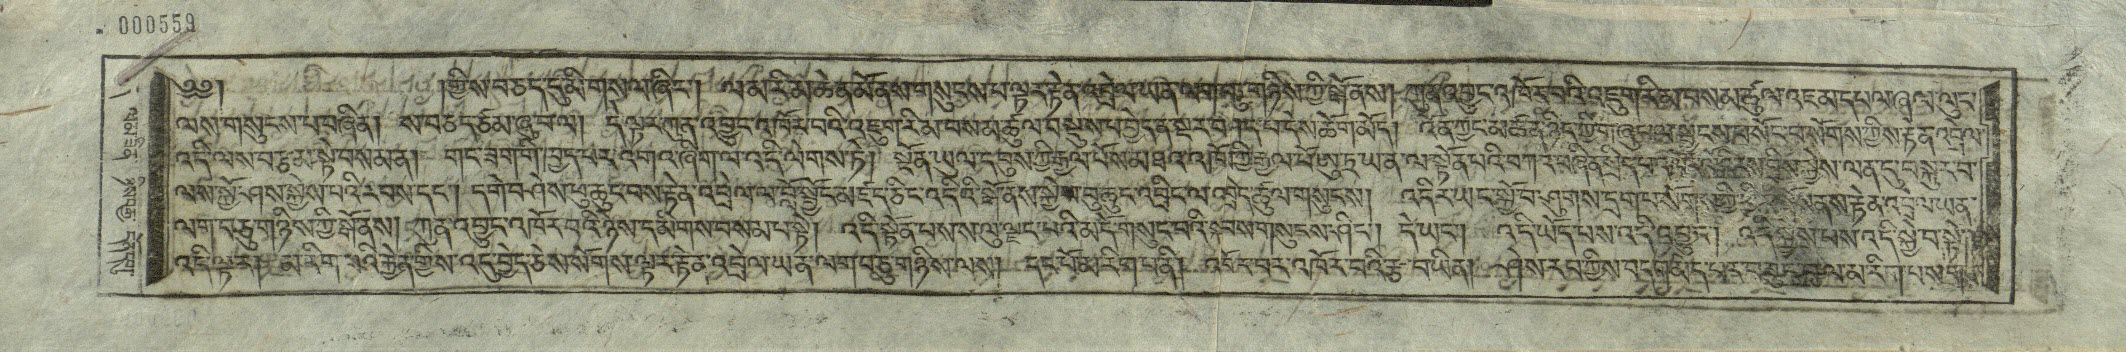༄༅། །གྱིས་བཅད་དུ་མི་གསལ་ཞིང་། ལམ་རིམ་ཆེན་མོ་ནས་གསུངས་པ་ལྟར་རྟེན་འབྲེལ་ཡན་ལག་བཅུ་གཉིས་ཀྱི་སྒོ་ནས། ཀུན་འབྱུང་འཁོར་བའི་འཇུག་རིམ་བསམ་ཚུལ་འཇམ་དཔལ་ཞལ་ལུང་
ལས་གསུངས་པ་བཞིན། ས་བཅད་ཙམ་ཞུ་བ་ལ། དེ་ལྟར་ཀུན་འབྱུང་འཁོར་བའི་འཇུག་རིམ་བསམ་ཚུལ་བསྡུས་པ་བྱེད་ན་སྔར་བཤད་པ་དེས་ཆོག་མོད། འོན་ཀྱང་མཚན་ཉིད་ཀྱི་གཞུང་ལ་སྦྱངས་པ་སོང་བ་སོགས་ཀྱིས་རྟེན་འབྲེལ་
འདི་ལས་བརྩམ་སྟེ་བསམ་ན། གང་ཟག་གི་ཁྱད་པར་འགའ་ཞིག་ལ་འདི་ལེགས་ཏེ། སྔོན་ཡུལ་དབུས་ཀྱི་རྒྱལ་པོས་མཐའ་འཁོབ་ཀྱི་རྒྱལ་པོ་ཨུ་ཏྲ་ཡ་ན་ལ་སྟོན་པའི་བཀའ་བཞིན་སྲིད་པ་འཁོར་ལོའི་རས་བྲིས་སྐྱེས་ལན་དུ་བསྐུར་བ་
ལས་སྐྱོ་ཤས་སྐྱེས་པའི་རབས་དང་། དགེ་བཤེས་ཕུ་ཆུང་བས་རྟེན་འབྲེལ་ལ་བློ་སྦྱོང་མཛད་ཅིང་འདིའི་སྒོ་ནས་སྐྱེས་བུ་ཆུང་འབྲིང་ལ་འཁྲིད་ཚུལ་གསུངས། འདིར་ཡང་སྐྱོ་བ་ཤུགས་དྲག་པ་སོགས་ཀྱི་ཕྱིར་སྤྲོས་ནས་རྟེན་འབྲེལ་ཡན་
ལག་བཅུ་གཉིས་ཀྱི་སྒོ་ནས། ཀུན་འབྱུང་འཁོར་བའི་ཉེས་དམིགས་བསམ་པ་སྟེ། འདི་སྟོན་པས་ས་ལུ་ལྗང་པའི་མདོ་གསུང་བའི་སྐབས་གསུངས་ཤིང་། དེ་ཡང་། འདི་ཡོད་པས་འདི་འབྱུང་། འདི་སྐྱེས་པས་འདི་སྐྱེ་བ་སྟེ་
འདི་ལྟར། མ་རིག་པའི་རྐྱེན་གྱིས་འདུ་བྱེད་ཅེས་སོགས་ལྟར་རྟེན་འབྲེལ་ཡན་ལག་བཅུ་གཉིས་ལས། དང་པོ་མ་རིག་པ་ནི། འཁོར་བར་འཁོར་བའི་རྩ་བ་ཡིན། ཤེས་རབ་ཀྱིས་བདག་མེད་པར་བཟུང་བ་ལ་མ་རིག་པས་གང་